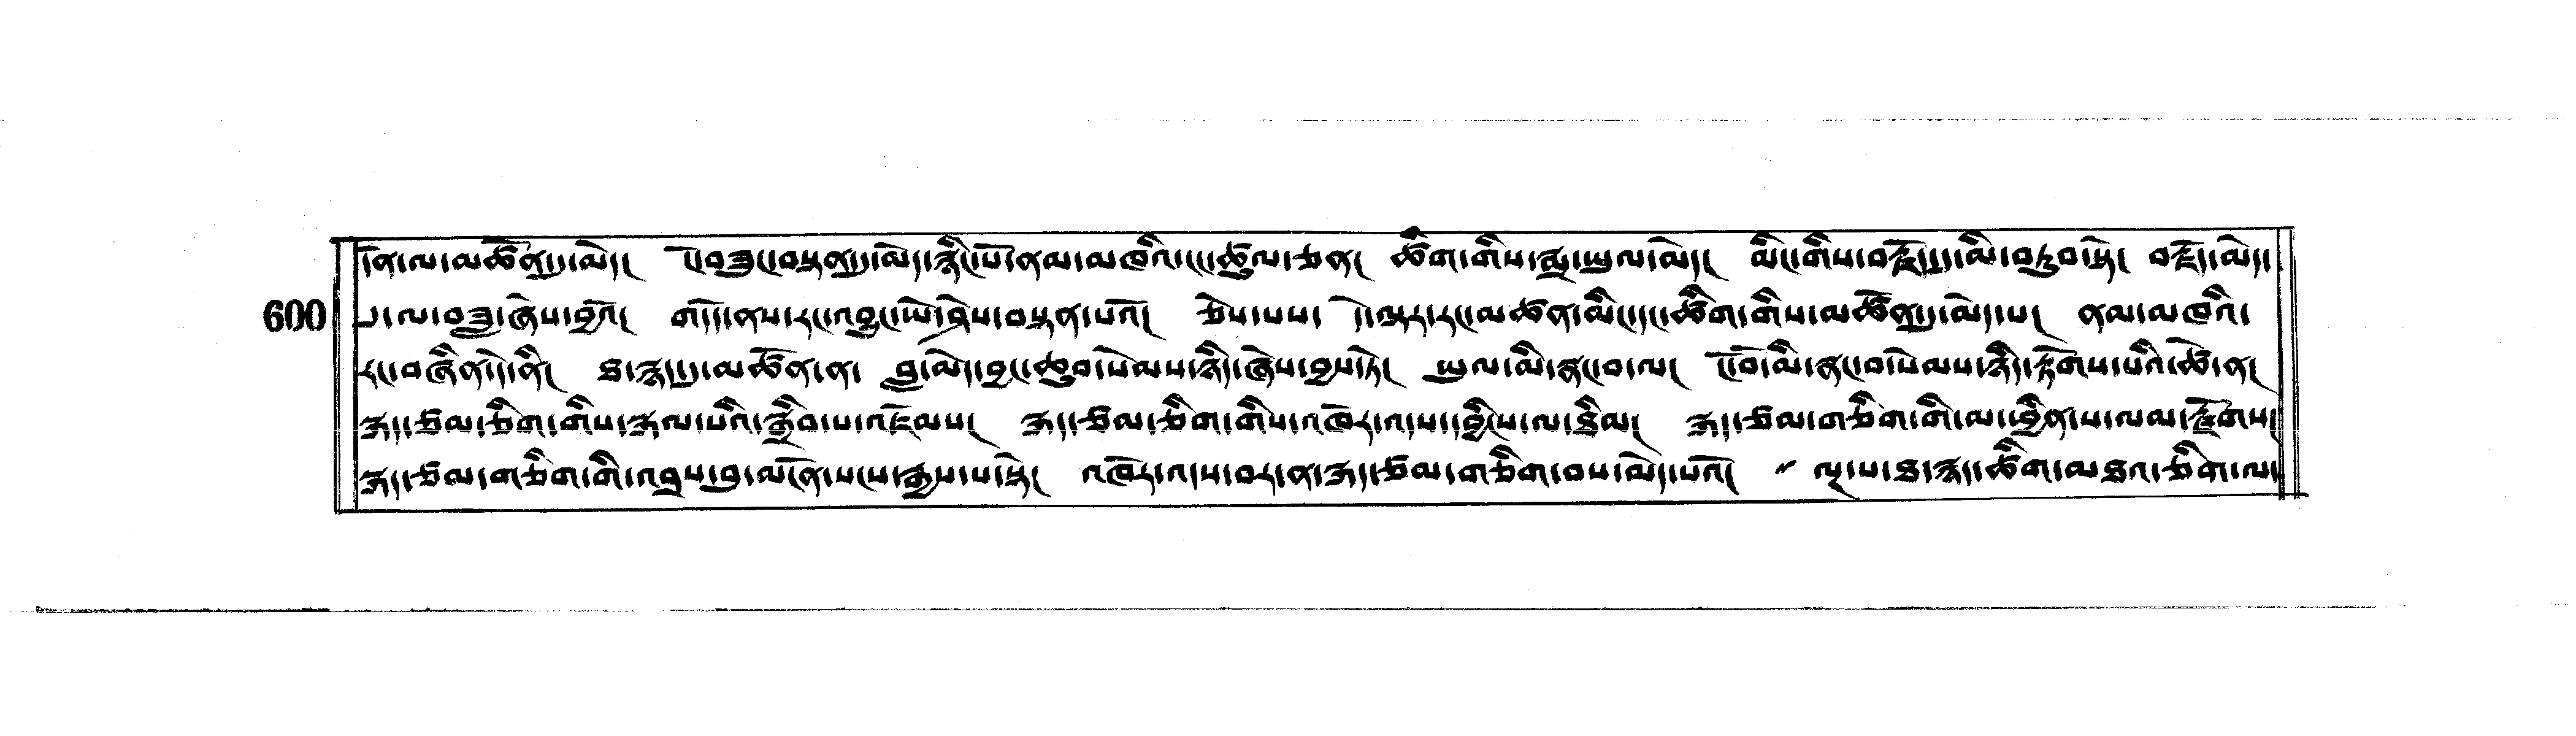དོན་ལ་མཚོན་དུ་མེད། ངོ་བཟུང་བསྟན་དུ་མེད། སྙིང་པོ་ནམ་མཁའི་ངང་ཚུལ་ཅན། ཚིག་གིས་སྨྲ་ཡུལ་མེད། མིང་གིས་བརྗོད་མི་བཏུབ་སྟེ། བརྗོད་མེད་
དུ་ལ་བཟླ་ཞེས་བྱའོ། གདོད་ནས་རང་འབྱུང་ཡེ་ཤེས་བསྟན་པའོ། ཅེས་པས། དེ་ལྟར་རང་མཚན་མིང་དང་ཚིག་གིས་མཚོན་དུ་མེད་པ། ནམ་མཁའི་
རང་བཞིན་དེ་ནི། ཐ་སྙད་དུ་མཚོན་ན་བླ་མེད་བྱང་ཆུབ་སེམས་ཉིད་ཞེས་བྱ་སྟེ། ཡུལ་མི་སྣང་བ་ལ་ངོ་བོ་མི་སྣང་བ། སེམས་ཉིད་རྟོགས་པའི་ཚེ། 
སྐད་ཙམ་ཅིག་གིས་བསྐལ་པའི་སྒྲིབ་པ་འཇོམས། སྐད་ཙམ་ཅིག་གིས་འཁོར་འདས་དབྱིངས་ལ་ཐིམ། སྐད་ཙམ་གཅིག་གིས་མ་ཕྱིན་ས་ལམ་རྫོགས། 
སྐད་ཙམ་གཅིག་གིས་འབྲས་བུ་མངོན་སངས་རྒྱས་པ་སྟེ། འཁོར་འདས་བར་ན་སྐད་ཙམ་གཅིག་བས་མེད་པའོ། ༧ ལྔ་པ་ཐ་སྙད་ཚིག་མཐའ་གཅིག་ལ་